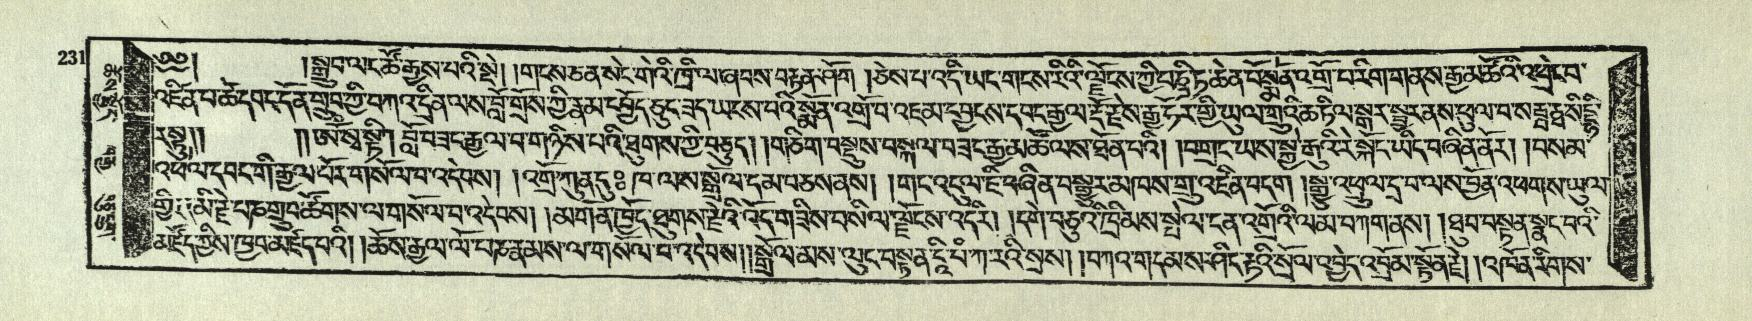༄༅། །སྒྲུབ་ལང་ཚོ་རྒྱས་པའི་སྡེ། །གངས་ཅན་སེང་གེའི་ཁྲི་ལ་ཞབས་བརྟན་ཤོག །ཅེས་པ་འདི་ཡང་གངས་རིའི་ལྗོངས་ཀྱི་པཎྚི་ཏ་ཆེན་པོ་སྨོན་འགྲོ་པ་རིག་གནས་རྒྱ་མཚོའི་འཕྲེང་བ་
འཛིན་པ་ཆོ་དབང་དོན་གྲུབ་ཀྱི་བཀའ་དྲིན་ལས་བློ་གྲོས་ཀྱི་རྣམ་དཔྱོད་ཅུང་ཟད་ཡངས་པའི་སྨོན་འགྲོ་བ་འཇམ་དབྱངས་དབང་རྒྱལ་རྡོ་རྗེས་རྒྱ་ཧོར་གྱི་ཡུལ་གྲུའི་ཆ་ཏིལ་སྒར་སྦྱར་ནས་ཕུལ་བ་སརྦྦ་རྠ་སིདྡྷི་
རསྟུ།། །།ཨོཾ་སྭ་སྟི། བློ་བཟང་རྒྱལ་བ་གཉིས་པའི་ཐུགས་ཀྱི་བཅུད། །གཅིག་བསྡུས་བསྐལ་བཟང་རྒྱ་མཚོ་ལས་ཐོན་པའི། །བགྲང་ཡས་སྐྱེ་རྒུའི་རེ་སྐོང་ཡིད་བཞིན་ནོར། །བསམ་
འཕེལ་དབང་གི་རྒྱལ་པོར་གསོལ་བ་འདེབས། །འགྲོ་ཀུནྡུཿ ཁ་ལས་སྒྲོལ་དམ་བཅས་ནས། །གང་འདུལ་ཇི་བཞིན་བསྒྱུར་མཁས་གྲུ་འཛིན་བདག །སྒྱུ་འཕྲུལ་དྲ་བ་ལས་བྱོན་འཕགས་ཡུལ་
གྱི༑ ༑མི་རྗེ་པཎ་གྲུབ་ཚོགས་ལ་གསོལ་བ་འདེབས། །མགོན་ཁྱོད་ཐུགས་རྗེའི་འོད་གཟིས་བསིལ་ལྗོངས་འདིར། །དགེ་བཅུའི་ཁྲིམས་སྤེལ་ངན་འགྲོའི་ལམ་བཀག་ནས། །ཐུབ་བསྟན་སྣང་བའི་
མཛོད་ཀྱིས་ཁྱབ་མཛད་བའི། །ཆོས་རྒྱལ་ལོ་པཎ་རྣམས་ལ་གསོལ་བ་འདེབས། །སྒྲོལ་མས་ལུང་བསྟན་དཱི་པཾ་ཀ་རའི་སྲས། །བཀའ་གདམས་ཤིང་རྟའི་སྲོལ་འབྱེད་འབྲོམ་སྟོན་རྗེ། །འཁོན་རིགས་